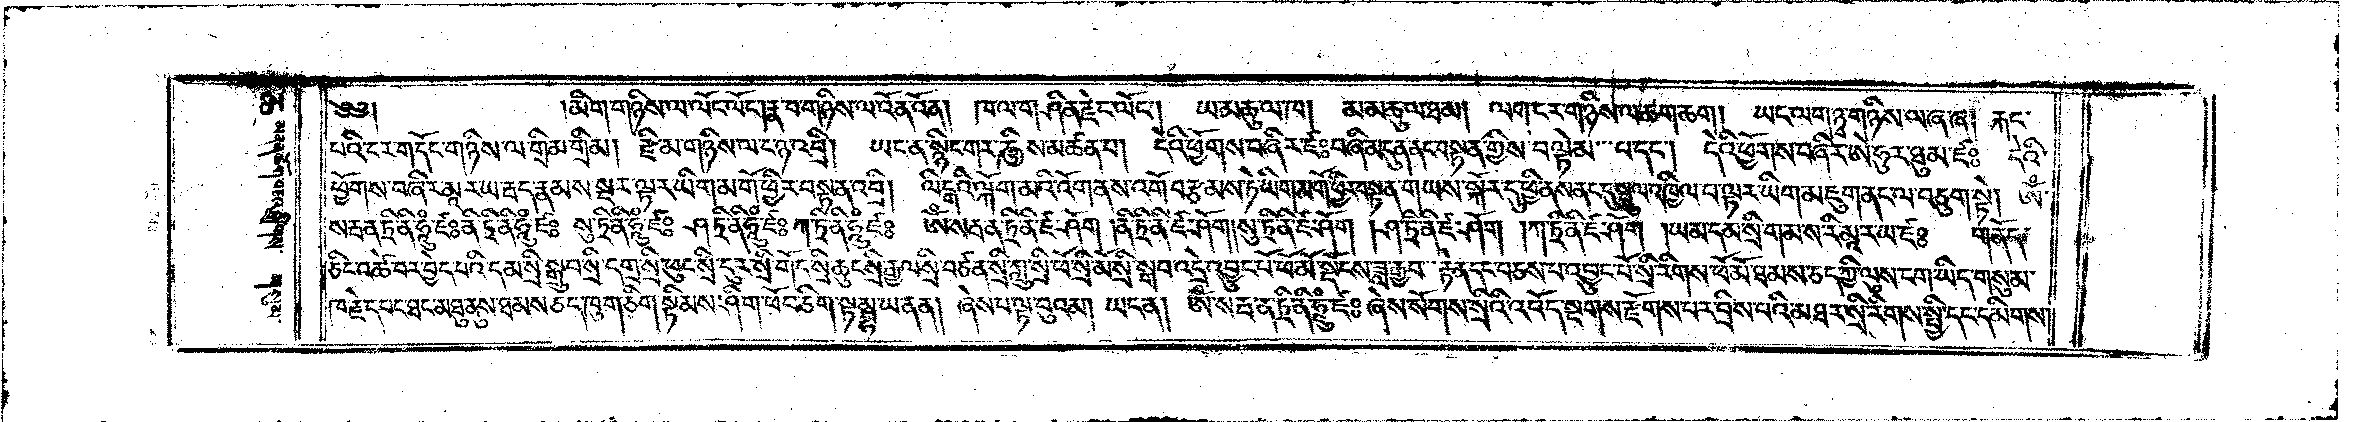༄༅། །མིག་གཉིས་ལ་ལོང་ལོང་། རྣ་བ་གཉིས་ལ་འོན་འོན། ཁ་ལ་གཤིན་རྗེང་ལོང་། ཡ་མཆུ་ལ་ཁ། མ་མཆུ་ལ་ཐམ། ལག་ངར་གཉིས་ལ་ཆག་ཆག །ཡང་ལག་ཉྭ་གཉིས་ལ་ཞ་ཞ། རྐང་
པའི་ངར་གདོང་གཉིས་ལ་གྲིམ་གྲིམ། རྫིམ་གཉིས་ལ་ང་ཉ་འབྲི། ཡང་ན་སྙིང་གར་ཎི་ས་མཚན་པ། དེའི་ཕྱོགས་བཞིར་ཛཿབཞི་མདུན་ནང་བསྟན་གྱིས་བལྟེམ་པ་དང་། དེའི་ཕྱོགས་བཞིར་ཨེ་ཧུར་ཐུམ་ཛཿ དེའི་
ཕྱོགས་བཞིར་མཱ་ར་ཡ་རྦད་རྣམས་སྔར་ལྟར་ཡིག་མགོ་ཕྱིར་བསྟན་འབྲི། ལིངྒའི་ལྐོག་མའི་འོག་ནས་འགོ་བརྩམས་ཏེ་ཡིག་མགོ་ཕྱིར་བསྟན་གཡས་སྐོར་དུ་ཕྱི་ནས་ནང་དུ་སྦྲུལ་འཁྱིལ་བ་ལྟར་ཡིག་མཇུག་ནང་ལ་བཅུག་སྟེ། ཨོཾ་
སརྦ་ན་ཏྲི་ནི་ཧཱུཾ་ཛཿ ནི་ཏྲི་ནི་ཧཱུཾ་ཛཿསུ་ཏྲི་ནི་ཧཱུཾ་ཛཿཤཏྲི་ནི་ཧཱུཾ་ཛཿ ཀ་ཏྲི་ནི་ཧཱུཾ་ཛཿ ཨོཾ་སརྦ་ན་ཏྲི་ནི་ཛ་ཤོག །ནི་ཏྲི་ནི་ཛ་ཤོག །སུ་ཏྲི་ནི་ཛ་ཤོག །ཤ་ཏྲི་ནི་ཛ་ཤོག །ཀ་ཏྲི་ནི་ཛ་ཤོག །ཡམ་དམ་སྲི་གམ་ས་རི་མཱ་ར་ཡ་ཛཿ གནོད་
ཅིང་འཚེ་བར་བྱེད་པའི་དམ་སྲི་སྒྲུབ་སྲི་དགྲ་སྲི་ཕུང་སྲི་དུར་སྲི་གོང་སྲི་ཆུང་སྲི་རྒྱལ་སྲི་བཙན་སྲི་ཀླུ་སྲི་ཕོ་སྲི་མོ་སྲི་སྒབ་འདྲེ་འབྱུང་པོ་ཕོ་མོ་སྡོངས་ཟླ་རྒྱབ་རྟེན་དང་བཅས་པ་འབྱུང་པོ་སྲི་རིགས་ཕོ་མོ་ཐམས་ཅད་ཀྱི་ལུས་ངག་ཡིད་གསུམ་
ཁ་རྗེ་དབང་ཐང་མཐུ་ནུས་ཐམས་ཅད་ཁུ་གཅིག་སྟིམས་ཤིག་ཕོ་བ་ཅིག་སྟམྦྷ་ཡ་ནན། ཞེས་བ་ལྟ་བུའམ། ཡང་ན། ཨོཾ་སརྦ་ན་ཏྲི་ནི་ཧཱུཾ་ཛཿ ཞེས་སོགས་སྲིའི་འབོད་སྔགས་རྫོགས་པར་བྲིས་པའི་མཐར་སྲི་རིགས་སྤྱི་དང་དམིགས།